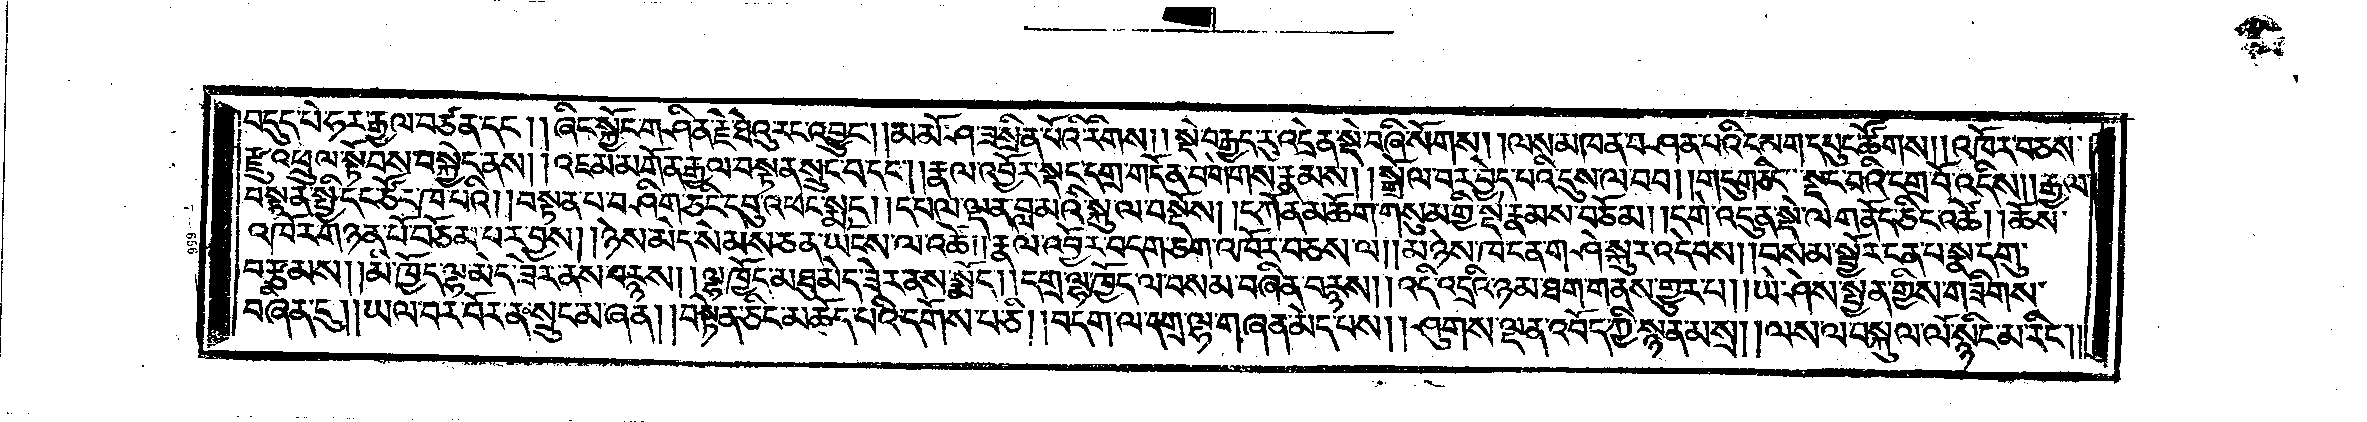བདུད་པེ་ཧར་རྒྱལ་བཙན་དང་། །ཞིང་སྐྱོང་གཤིན་རྗེ་ཐེའུ་རང་འབྱུང་། །མ་མོ་ཤ་ཟ་སྲིན་པོའི་རིགས། །སྡེ་བརྒྱད་རུ་འདྲེན་སྡེ་བཞི་སོགས། །ལས་མཁན་བཤན་པའི་དམག་དཔུང་ཚོགས། །འཁོར་བཅས་
རྫུ་འཕྲུལ་སྟོབས་བསྐྱེད་ནས། །འཇམ་མགོན་རྒྱལ་བསྟན་སྲུང་བ་དང་། །རྣལ་འབྱོར་སྡང་དགྲ་གདོན་བགེགས་རྣམས། །སྐོལ་བར་བྱེད་པའི་དུས་ལ་བབ། །གདུག་ཅིང་སྡང་བའི་དགྲ་བོ་འདིས། །རྒྱལ་བསྟན་སྤྱི་དང་ཙོང་ཁ་པའི།
།བསྟན་པ་བཤིག་ཅིང་དབུ་འཕང་སྨད། །དཔལ་ལྡན་བླ་མའི་སྐུ་ལ་བསྡོས། །དཀོན་མཆོག་གསུམ་གྱི་སྡེ་རྣམས་བཅོམ། །དགེ་འདུན་སྡེ་ལ་གནོད་ཅིང་འཚེ། །ཆོས་
འཁོར་གཉན་པོ་བཅོམ་པར་བྱས། །ཉེས་མེད་སེམས་ཅན་ཡོངས་ལ་འཚེ། །རྣལ་འབྱོར་བདག་ཅག་འཁོར་བཅས་ལ། །མ་ཉེས་ཁ་ངན་གཤེ་སྐུར་འདེབས། །བསམ་སྦྱོར་ངན་པ་སྣ་དགུ་
བརྩམས། །མི་ཁྱོད་ལྷ་མེད་ཟེར་ནས་བརྙས། །ལྷ་ཁྱོད་མཐུ་མེད་ཟེར་ནས་སྨོད། །དགྲ་ལྷ་ཁྱོད་ལ་བསམ་བཞིན་བརྙས། །འདི་འདྲའི་ཉམ་ཐག་གནས་གྱུར་པ། །ཡེ་ཤེ་སྤྱན་གྱིས་གཟིགས་
བཞིན་དུ། །ཡལ་པར་བོར་ན་སྲུང་མ་ཞན། །བསྟེན་ཅིང་མཆོད་པའི་དགོས་པ་ཅི། །བདག་ལ་དགྲ་ལྷ་གཞན་མེད་པས། །ཤུགས་ལྡན་འབོད་ཀྱི་སྙན་མ་སྲ། །ལས་ལ་བསྐུལ་ལོ་སྙིང་མ་རིང་། །